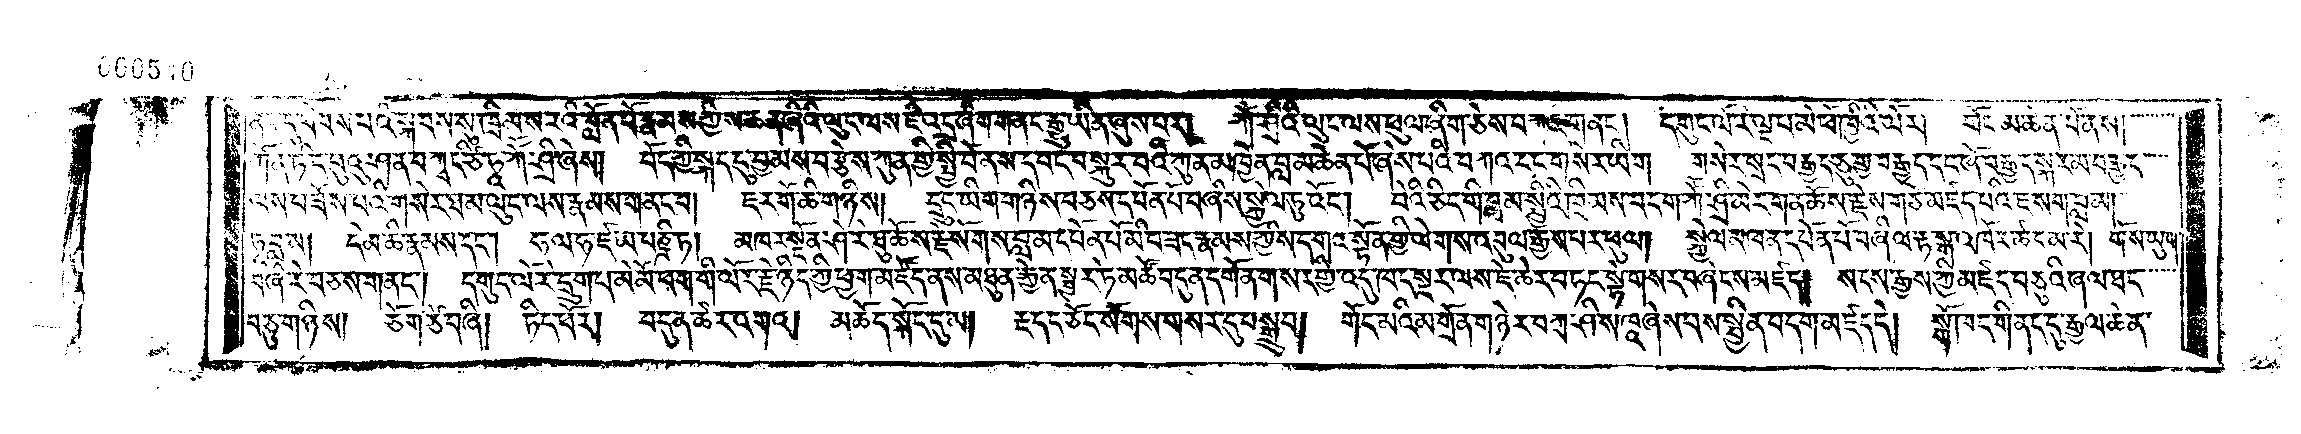ནང་དུ་ཕེབས་པའི་སྐབས་སུ་ཁྲིམས་རའི་བློན་པོ་རྣམས་ཀྱིས་ཆན་ཞིའི་ལུང་ལས་ཇི་འདྲ་ཞིག་གནང་རྒྱུ་ཡིན་ཞུས་པར། ཀཽ་ཤྲིའི་ལུང་ལས་ཕུལ་ཞིག་ཅེས་བཀའ་གནང་། དགུང་ལོ་རེ་ལྔ་པ་མེ་ཕོ་ཁྱིའི་ལོར། གོང་མ་ཆེན་པོ་ནས།
ཀོན་ཏ་དི་ཕུའུ་ཤན་བཀྭང་ཙི་ཏཱ་ཀཽ་ཤྲི་ཞེས། བོད་ཀྱི་སྐད་དུ་བྱམས་བརྩེས་ཀུན་གྱི་སྤྱི་བོ་ནས་དབང་བསྐུར་བའི་ཀུན་མཁྱེན་བླ་མ་ཆེན་པོ་ཞེས་པའི་བཀའ་དང་གསེར་ཡིག །གསེར་སྲད་བརྒྱད་ཅུ་གྱ་བརྒྱད་དང་ཞོ་བརྒྱད་སྐར་མ་བརྒྱད་
ལས་བཟོས་པའི་གསེར་ཐམ་ལུང་ལས་རྣམས་གནང་བ། ཇར་གོ་ཆི་གཉིས། དྲུང་ཡིག་གཉིས་བཅས་དཔོན་པོ་བཞིས་སྐྱེལ་ཏུ་འོང་། བེའི་ཅིང་གི་བླ་མ་སྤྱིའི་ཁྲིམས་བདག་ཀཽ་ཤྲི་མེར་གན་ཆོས་རྗེས་གཙོ་མཛད་པའི་ཇ་སག་བླ་མ།
ཏཱ་བླ་མ། དེམ་ཆི་རྣམས་དང་། ཧལ་ཧ་ཛ་ཡ་པཎྜི་ཏ། མཁར་སྔོན་ཤེ་རེ་ཐུ་ཆོས་རྗེ་སོགས་བླ་མ་དཔོན་པོ་མི་བཟད་རྣམས་ཀྱིས་དགའ་སྟོན་གྱི་ལེགས་འབུལ་རྒྱས་པར་ཕུལ། སྐྱེལ་མཁན་དཔོན་པོ་བཞིལ་རྟ་སྒ་འཁོར་ཚ་ངམ་རེ། གོས་ཡུག་
བཞི་རེ་བཅས་གནང་། དགུང་ལོ་རེ་དྲུག་པ་མེ་མོ་ཕག་གི་ལོར་རྗེ་ཉིད་ཀྱི་ཕྱག་མཛོད་ནས་མཐུན་རྐྱེན་སྦྱར་ཏེ་མཚོ་བདུན་དགོན་གསར་གྱི་འདུ་ཁང་སྔར་ལས་ཇེ་ཆེར་བཏང་སྟེ་གསར་བཞེངས་མཛད། སངས་རྒྱས་ཀྱི་མཛད་བཅུའི་ཞལ་ཐང་
བཅུ་གཉིས། ཅོག་ཙེ་གཞི། ཏིང་ཕོར། བདུན་ཚར་འགའ། མཆོད་སྐོང་དུ་མ། རྔ་དང་ཅོང་སོགས་གསར་དུ་བསྒྲུབ། གོང་མའི་མགྲོན་གཉེར་བཀྲ་ཤིས་ཁཱ་ཞེས་པས་སྦྱིན་བདག་མཛད་དེ། སྒོ་ཁང་གི་ནང་དུ་རྒྱལ་ཆེན་